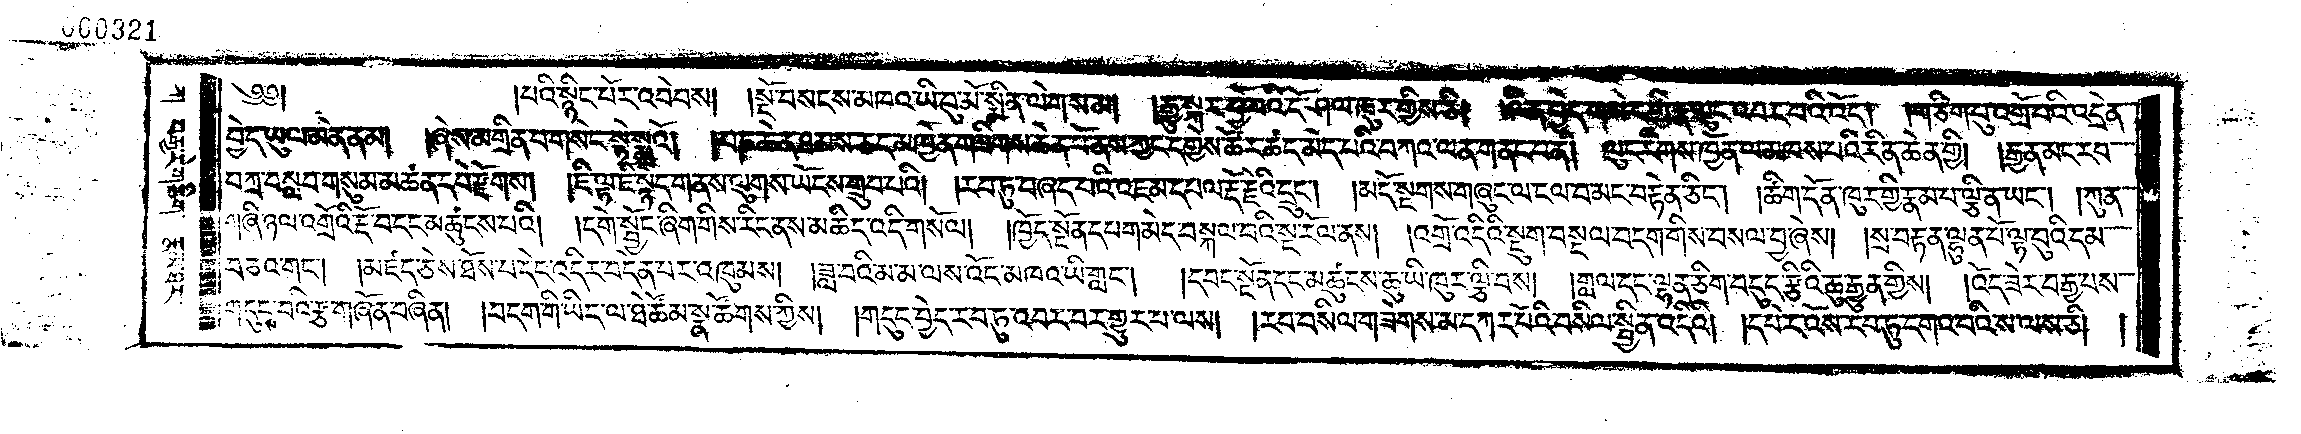༄༅། །བའི་སྙིང་པོར་འབེབས། །སྔོ་བསངས་མཁའ་ཡི་བུ་མོ་སྨིན་ལེགས་མ། །རྒྱུ་སྐར་བྱེ་བའི་དོ་ཤལ་ཁུར་གྱིས་ཅི། །ཉིན་བྱེད་གསེར་གྱི་རྣ་ལུང་འབར་བའི་འོད། །གཅིག་པུ་འགྲོ་བའི་འདྲེན་
བྱེད་ཡུལ་མིན་ནམ། །ཞེས་མགྲིན་པ་གསེང་སྟེ་སྨྲའོ། །པཎ་ཆེན་ཐམས་ཅད་མཁྱེན་གཟིགས་ཆེན་པོ་ནས་ཀྱང་དགྱེས་ཚོར་ཚད་མེད་པའི་བཀའ་ལན་གནང་བ་ནི། ལུང་རིགས་ཁྱོན་ལ་མཁས་པའི་རིན་ཆེན་གྱི། །རྒྱན་མང་རབ་
བཀྲ་བསླབ་གསུམ་མཚན་དཔེ་རྫོགས། །ཇི་ལྟ་ཇི་སྙེད་གནས་ལུགས་ཡོངས་གྲུབ་པའི། །རབ་ཏུ་བཞད་པའི་འཇམ་དཔལ་རྡོ་རྗེའི་དྲུང་། །མདོ་སྔགས་གཞུང་ལ་ངལ་བ་མང་བརྟེན་ཅིང་། །ཚིག་དོན་ཁུར་གྱི་རྣམ་པ་ལྕིན་ཡང་། །ཀུན་
གཞི་ཉལ་འགྲོའི་རྡོ་བ་དང་མཚུངས་པའི། །དགེ་སྦྱོང་ཞིག་གིས་རིང་ནས་མཆིད་འདི་གསོལ། །ཁྱོད་སྔོན་དཔག་མེད་བསྐལ་བའི་སྔ་རོལ་ནས། །འགྲོ་འདིའི་སྡུག་བསྔལ་བདག་གིས་བསལ་བྱ་ཞེས། །སྲ་བརྟན་ལྷུན་པོ་ལྟ་བུའི་དམ་
བཅའ་གང་། །མཛད་ཅེས་ཐོས་པ་དེང་འདིར་བདེན་པར་འཁུམས། །ཟླ་བའི་མ་མ་ལས་འོང་མཁའ་ཡི་གླང་། །དབང་སྔོན་དང་མཚུངས་ཆུ་ཡི་ཁུར་ལྕི་བས། །གླལ་དང་ལྷན་ཅིག་བདུད་རྩིའི་ཆུ་རྒྱུན་གྱིས། །འོད་ཟེར་བརྒྱ་པས་
གདུང་བའི་རྩ་གཞོན་བཞིན། །བདག་གི་ཡིད་ལ་ཐེ་ཚོམ་སྣ་ཚོགས་ཀྱིས། །གདུང་བྱེད་རབ་ཏུ་འབར་བར་གྱུར་པ་ལས། །རབ་བསིལ་གཟེགས་མ་དཀར་པོའི་བསིལ་སྦྱིན་འདིའི། །དཔེར་འོས་རབ་ཏུ་དགའ་བའི་ས་ལས་ཅི། །